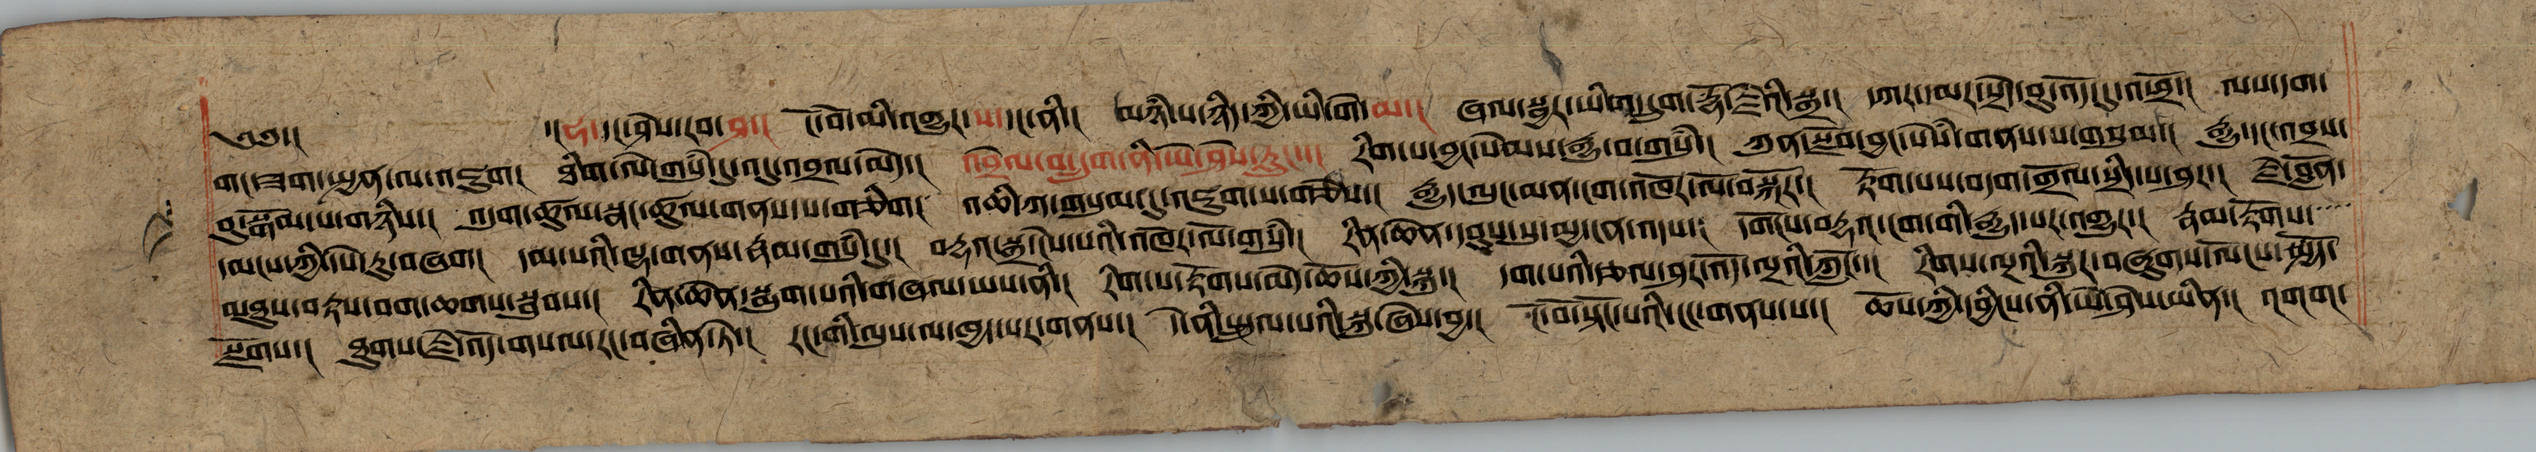༄༅་། ་།ཧ་དང་ཤེས་རབ་ཤ་། ངོ་བོ་མི་འགྱུར་ས་དང་ནི་། མཉཾ་པ་ཉིད་ཀྱི་ཡི་གེ་མ་། ཞལ་སྦྱར་ཡིག་དྲུག་རྡོ་རྗེའི་སྒྲ་། དཀར་དམར་སྲེད་བུ་འོད་དུ་འཕྲོ་། ལས་དག་
གང་ཟག་སྤྱན་ལ་འཇུག། ཐིག་ལེ་གསུཾ་དུ་འདུ་འབྲལ་་མེད་། འབྲེལ་བ་དྲུག་ནི་ཡེ་ཤེས་རླུང་་། རིག་པ་བྱང་ཆུབ་རྒྱུ་བ་གསུཾ་། ཀུན་སྫོབ་བྱང་སེཾས་གནས་པ་གསུམ་། རྒྱུ་དང་འབྲས་
བུ་སྒོམ་པ་གཉིས་། འདུག་ཚུལ་སྣང་ཚུལ་གནས་པ་གཅིག། འཆི་ཀ་གསུམ་དུ་འཇུག་པ་བཅོཾས་། རྒྱུད་ལུང་མན་ངག་འཁོར་ལོ་བསྐོར་། རྟོག་པས་བདག་གྲོལ་སྲིད་པ་ཤར་། རྗེ་བློན་
དམངས་ཀྱི་དཔེ་རུ་བཞག། དམ་པའི་ལྷ་གནས་རྣམ་གསུཾ་དུ་། བརྡའ་སྒྲ་ངེས་པའི་འཁོར་ལོ་གསུཾ་། རིན་ཆེན་དབུས་སུ་མྱ་ངན་འདས་། དགོངས་བརྡའ་ངག་གི་རྒྱུད་པར་འགྱུར་། རྣམ་རྟོགས་
མཐུས་བརྟས་བག་ཆགས་སྦུབས་། རིན་ཆེན་སྨུག་པའི་གཞལ་ཡས་ནི་། རིག་པ་རྟོགས་མེད་ཆོས་ཀྱི་སྐུ་། དག་པའི་རྩལ་ཤར་འོད་ལྔའི་ཀློང་་། རིགས་ལྔའི་སྐུར་བཞུགས་ལོངས་སྤྱོད་
སྫོགས་། ཐུགས་རྗེ་འོད་གསལ་རང་བཞིན་ཏེ་། རང་གི་ལུས་ལ་ཁྱད་པར་གནས་། དེ་ནི་སྤྲུལ་པའི་སྐུ་ཞེས་བྱ་། ངོ་བོ་སྟོང་པའི་ངང་གནས་པ་། ཆོས་ཀྱི་དབྱིངས་ནི་ཡེ་ཤེས་ཡིན་། འགག་